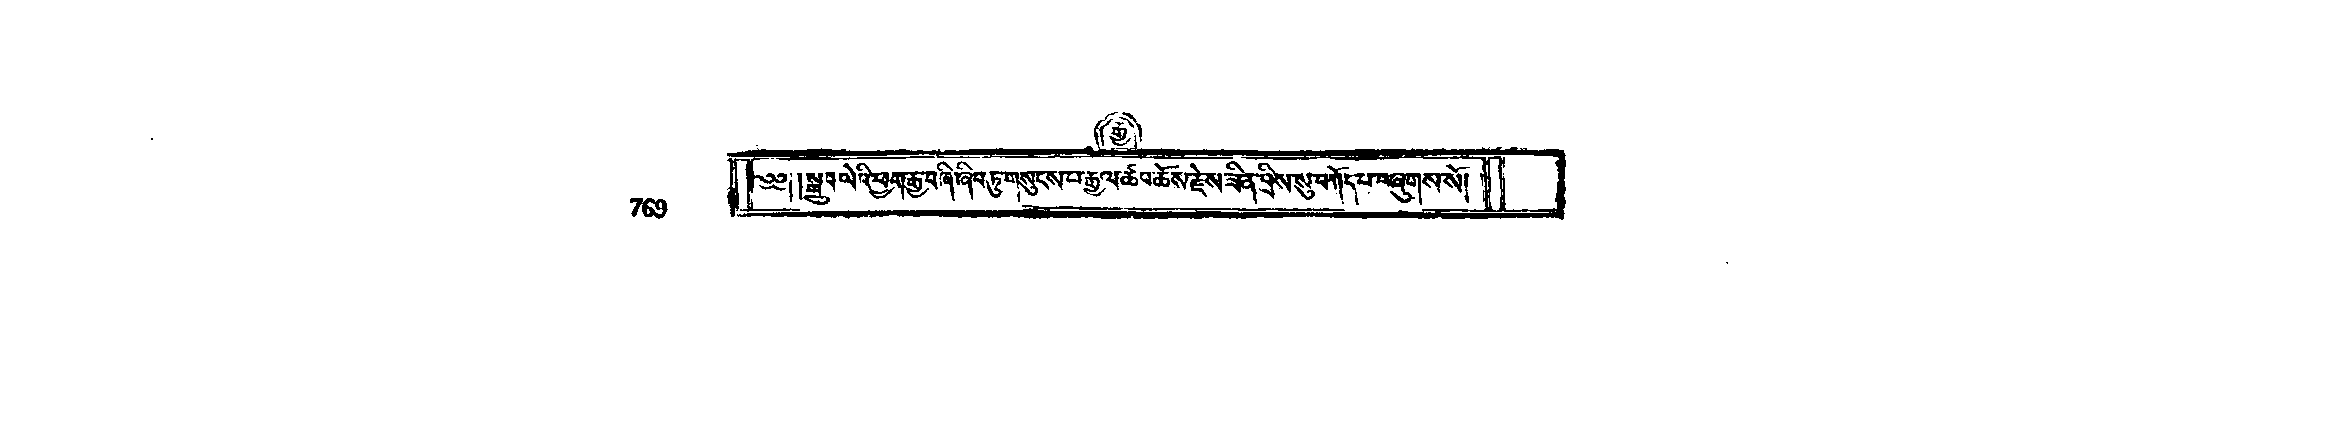༄༅། །སྒྲུབ་ལེའི་ཕྱག་རྒྱ་བཞི་ཞིབ་ཏུ་གསུངས་པ་རྒྱལ་ཚབ་ཆོས་རྗེས་ཟིན་བྲིས་སུ་བཀོད་པ་བཞུགས་སོ།།